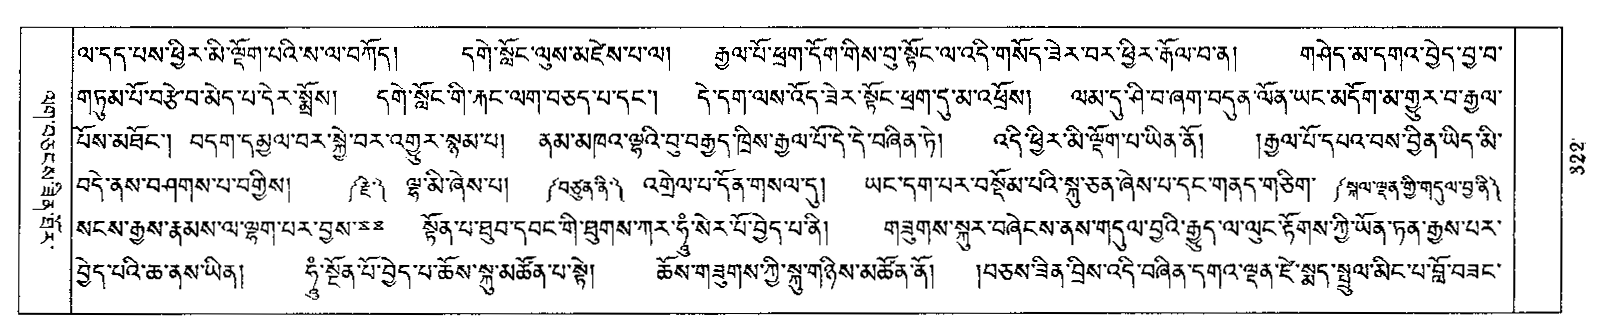ལ་དད་པས་ཕྱིར་མི་ལྡོག་པའི་ས་ལ་བཀོད། དགེ་སློང་ལུས་མཛེས་པ་ལ། རྒྱལ་པོ་ཕྲག་དོག་གིས་བུ་སྟོང་ལ་འདི་གསོད་ཟེར་བར་ཕྱིར་རྒོལ་བ་ན། གཤེད་མ་དགའ་བྱེད་བྱ་བ་
གཏུམ་པོ་བརྩེ་བ་མེད་པ་དེར་སྨྲོས། དགེ་སློང་གི་རྐང་ལག་བཅད་པ་དང་། དེ་དག་ལས་འོད་ཟེར་སྟོང་ཕྲག་དུ་མ་འཕྲོས། ལམ་དུ་ཤི་བ་ཞག་བདུན་ལོན་ཡང་མདོག་མ་གྱུར་བ་རྒྱལ་
པོས་མཐོང་། བདག་དམྱལ་བར་སྐྱེ་བར་འགྱུར་སྙམ་པ། ནམ་མཁའ་ལྷའི་བུ་བརྒྱད་ཁྲིས་རྒྱལ་པོ་དེ་དེ་བཞིན་ཏེ། འདི་ཕྱིར་མི་ལྡོག་པ་ཡིན་ནོ། །རྒྱལ་པོ་དཔའ་བས་བྱིན་ཡིད་མི་
བདེ་ནས་བཤགས་པ་བགྱིས། ༼རྫ྄་ལྷ་མི་ཞེས་པ། ༽བཙུན་ན྄ི་འགྲེལ་པ་དོན་གསལ་དུ། ཡང་དག་པར་བསྡོམ་པའི་སྐུ་ཅན་ཞེས་པ་དང་གནད་གཅིག་སྐལ་ལྡན་གྱི་གདུལ་བྱ་ན྄ི
སངས་རྒྱས་རྣམས་ལ་ལྷག་པར་བྱས་྾་྾་སྟོན་པ་ཐུབ་དབང་གི་ཐུགས་ཀར་ཧཱུཾ་སེར་པོ་བྱེད་པ་ནི། གཟུགས་སྐུར་བཞེངས་ནས་གདུལ་བྱའི་རྒྱུད་ལ་ལུང་རྟོགས་ཀྱི་ཡོན་ཏན་རྒྱས་པར་
བྱེད་པའི་ཆ་ནས་ཡིན། ཧཱུཾ་སྔོན་པོ་བྱེད་པ་ཆོས་སྐུ་མཚོན་པ་སྟེ། ཆོས་གཟུགས་ཀྱི་སྐུ་གཉིས་མཚོན་ནོ། །བཅས་ཟིན་བྲིས་འདི་བཞིན་དགའ་ལྡན་ཛེ་སྨད་སྤྲུལ་མིང་པ་བློ་བཟང་